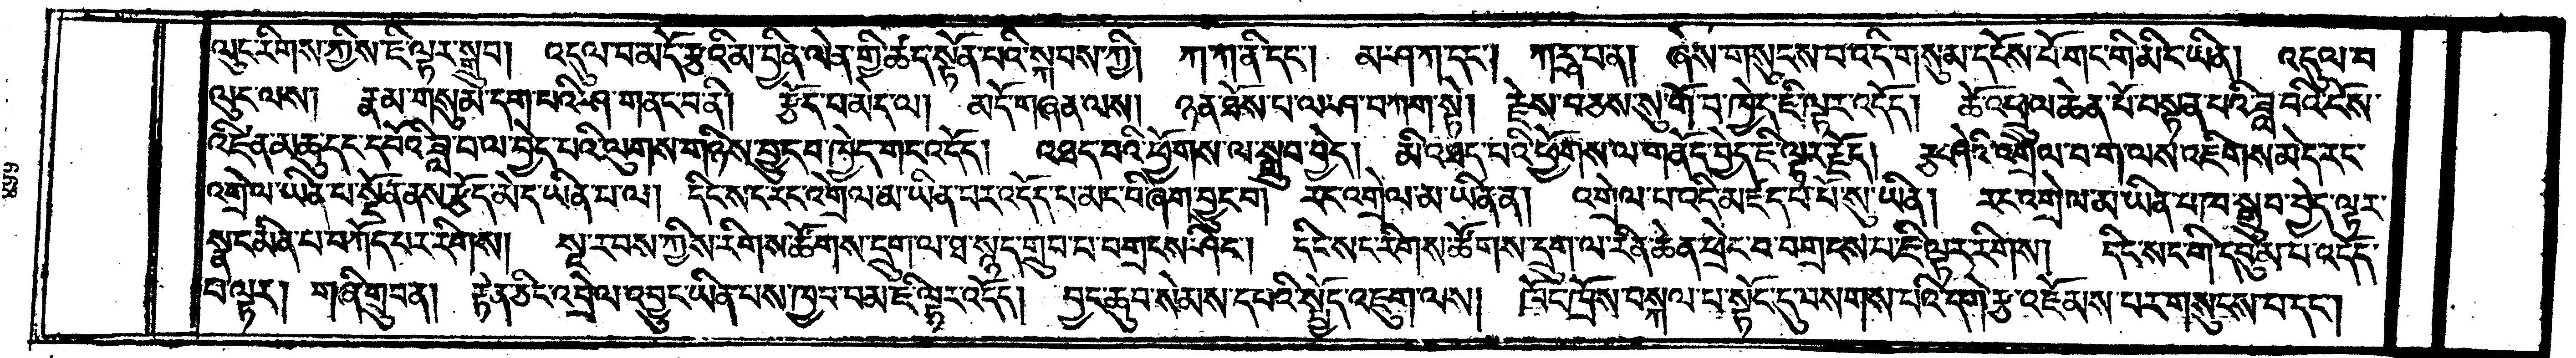ལུང་རིགས་ཀྱིས་ཇི་ལྟར་སྒྲུབ། འདུལ་བ་མདོ་རྩའི་མ་བྱིན་ལེན་གྱི་ཚད་སྟོན་པའི་སྐབས་ཀྱི། ཀ་ཀ་ནི་དང་། མ་ཤ་ཀ་དང་། ཀརྴ་པ་ན། ཞེས་གསུངས་པ་འདི་གསུམ་དངོས་པོ་གང་གི་མིང་ཡིན། འདུལ་བ་
ལུང་ལས། རྣམ་གསུམ་དག་པའི་ཤ་གནང་བ་ནི། རྩོད་པ་མེད་ལ། མདོ་གཞན་ལས། ཉན་ཐོས་པ་ལ་ཤ་བཀག་སྟེ། རྗེས་བཅས་སུ་གོ་བ་ཁྱེད་ཇི་ལྟར་འདོད། ཆོ་འཕྲུལ་ཆེན་པོ་བསྟན་པའི་ཟླ་བའི་ངོས་
འཛིན་མཆུ་དང་དབོའི་ཟླ་བ་ལ་བྱེད་པའི་ལུགས་གཉིས་བྱུང་བ་ཁྱེད་གང་འདོད། འཐད་བའི་ཕྱོགས་ལ་སྒྲུབ་བྱེད། མི་འཐད་པའི་ཕྱོགས་ལ་གནོད་བྱེད་ཇི་ལྟར་རྗོད། རྩ་ཤེའི་འགྲེལ་བ་ག་ལས་འཇིགས་མེད་རང་
འགྲེལ་ཡིན་པ་སྔོན་ནས་རྩོད་མེད་ཡིན་པ་ལ། དིང་སང་རང་འགྲེལ་མ་ཡིན་པར་འདོད་པ་མང་བ་ཞིག་བྱུང་བ། རང་འགྲེལ་མ་ཡིན་ན། འགྲེལ་པ་འདི་མཛད་པ་པོ་སུ་ཡིན། རང་འགྲེལ་མ་ཡིན་པ་ཁ་སྒྲུབ་བྱེད་ལྟར་
སྣང་མིན་པ་བཀོད་པར་རིགས། སྔ་རབས་ཀྱིས་རིགས་ཚོགས་དྲུག་ལ་ཐ་སྙད་གྲུབ་པ་བགྲངས་ཤིང་། དིང་སང་རིགས་ཚོགས་དྲུག་ལ་རིན་ཆེན་ཕྲེང་བ་བགྲངས་པ་ཇི་ལྟར་རིགས། དིང་སང་གི་དབུ་མ་པ་འདོད་
པ་ལྟར། གཞི་གྲུབ་ན། རྟེན་ཅིང་འབྲེལ་འབྱུང་ཡིན་པས་ཁྱབ་བམ་ཇི་ལྟར་འདོད། བྱང་ཆུབ་སེམས་དཔའི་སྤྱོད་འཇུག་ལས། ཁོང་ཁྲོས་བསྐལ་པ་སྟོང་དུ་བསགས་པའི་དགེ་རྩ་འཇོམས་པར་གསུངས་པ་དང་།